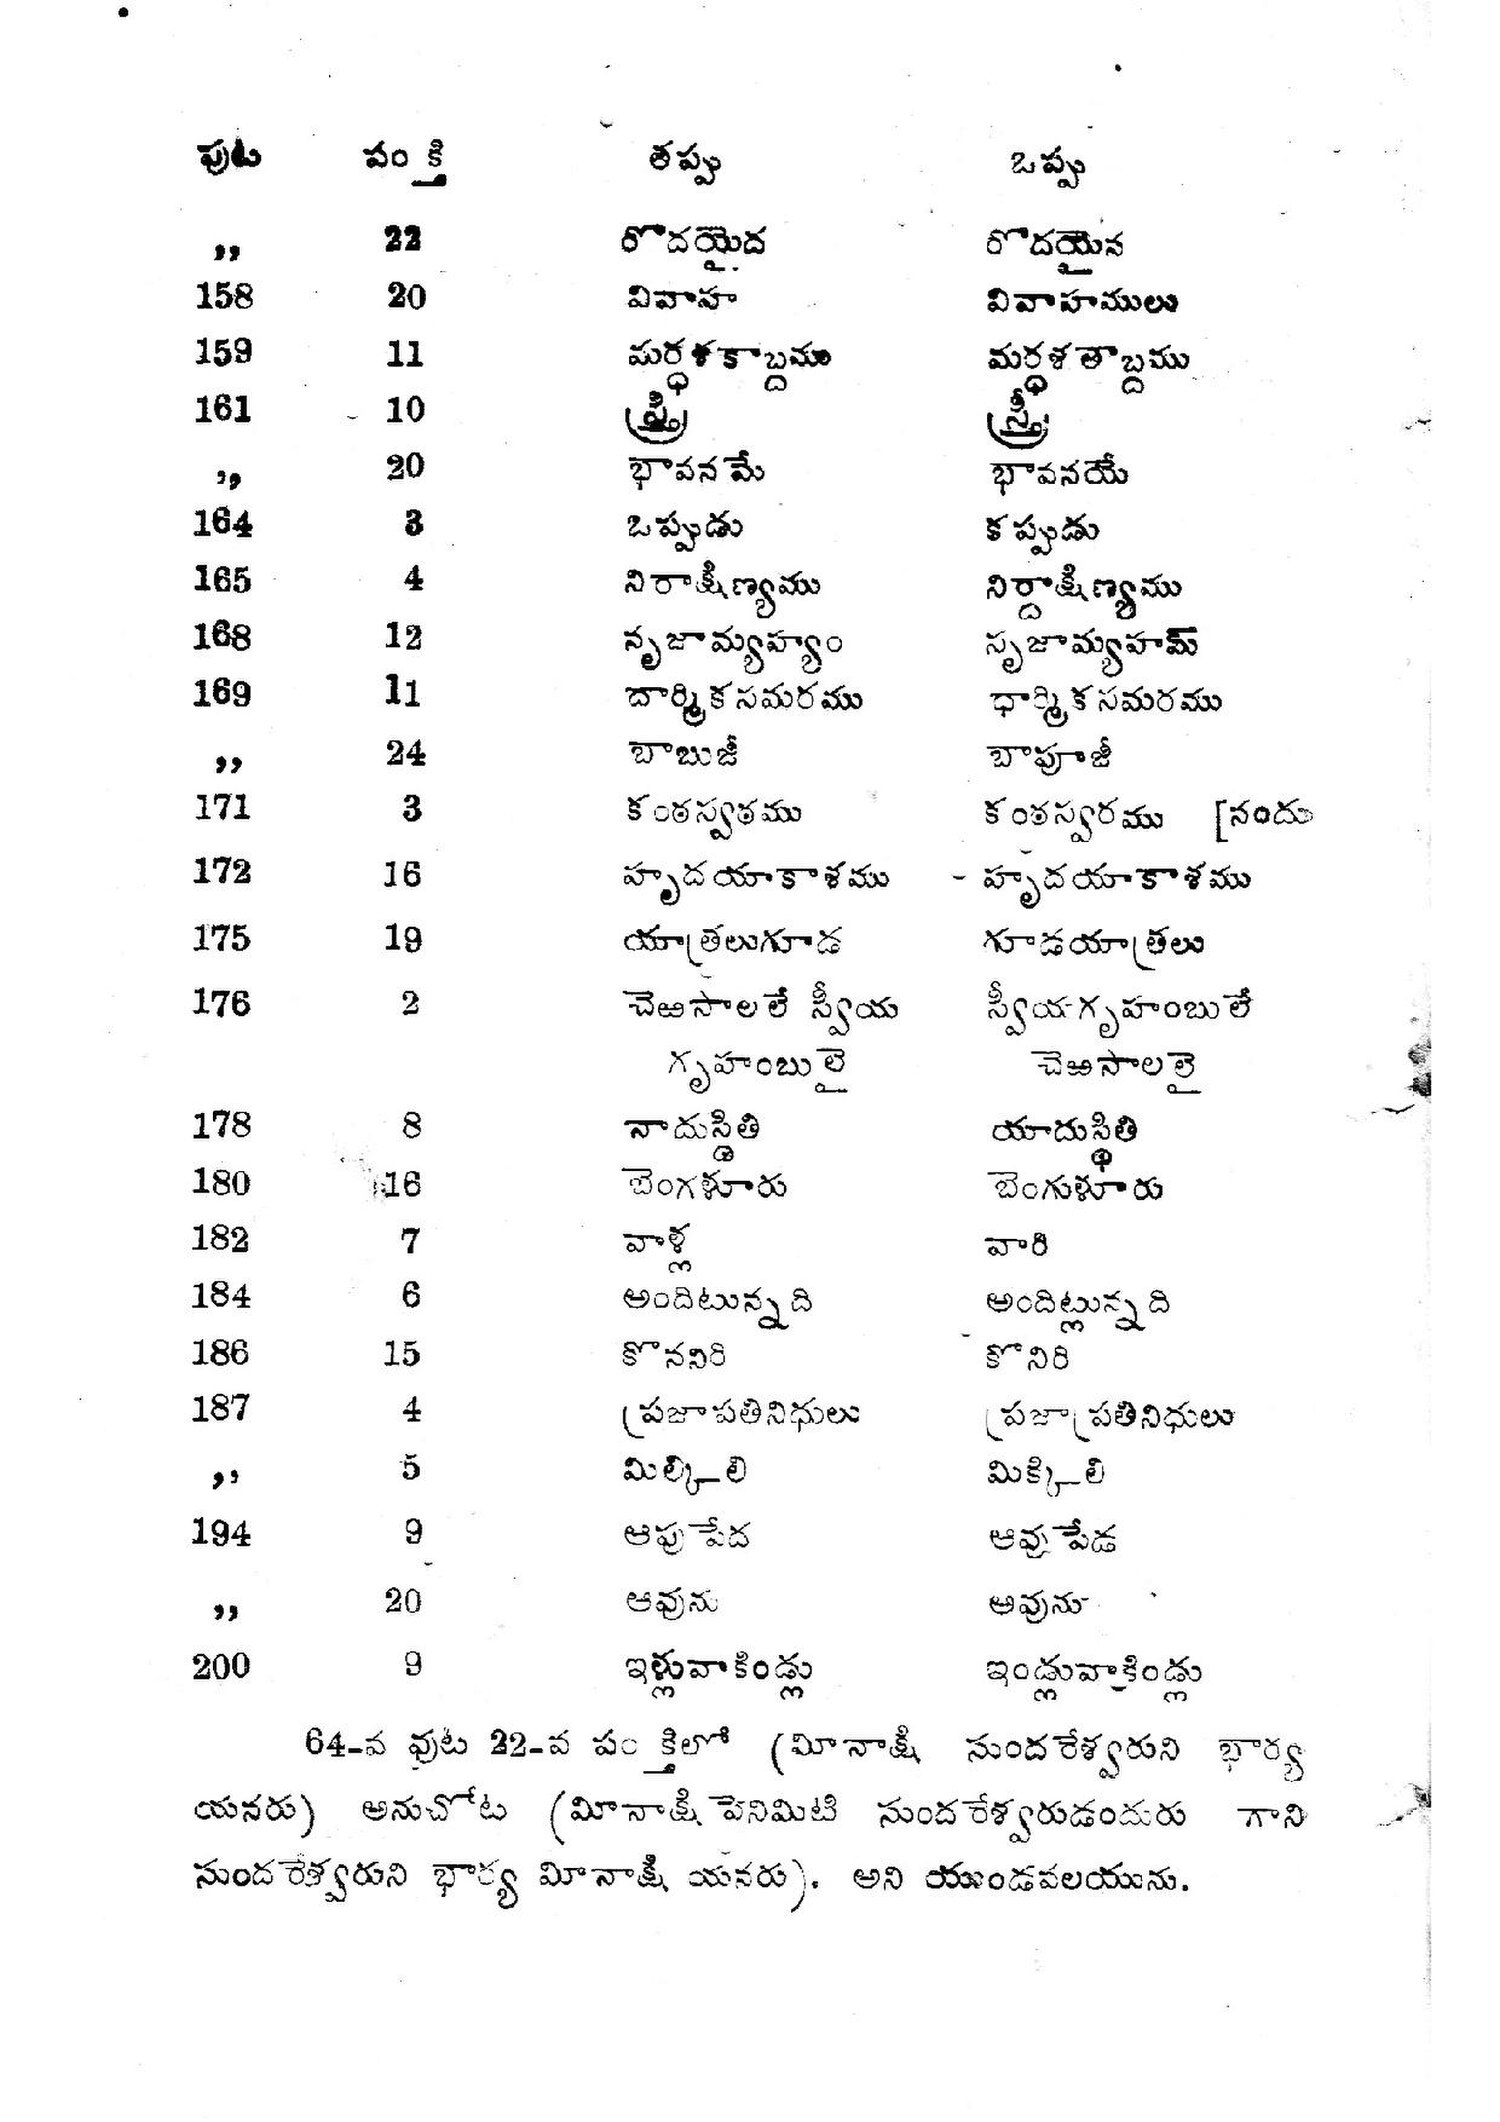పుట పంక్తి తప్పు ఒప్పు 156 22 రొదయైద రొదయైన 158 20 వివాహ వివాహములు 159 11 మర్ధశకాబ్దము మర్ధశతాబ్దము 161 10 స్త్రి స్త్రీ 161 20 భావనమే భావనయే 164 3 ఒప్పుడు కప్పుడు 165 4 నిరాక్షిణ్యము నిర్దాక్షిణ్యము 168 12 నృజామ్యహ్యం సృజామ్యహమ్ 169 11 దార్మికసమరము ధార్మికసమరము 169 24 బాబుజీ బాపూజీ 171 3 కంఠస్వఠము కంఠస్వరము 172 16 హృదయాకాశము హృదయాకాశమునందు 175 19 యాత్రలుగూడ గూడయాత్రలు 176 2 చెఱసాలలే స్వీయగృహంబులై స్వీయగృహంబులే చెఱసాలలై 178 8 నాదుస్థితి యాదుస్థితి 180 16 బెంగళూరు బెంగుళూరు 182 7 వాళ్ల వారి 184 6 అందిటున్నది అందిట్లున్నది 186 15 కొననిరి కొనిరి 187 4 ప్రజాపతినిధులు ప్రజాప్రతినిధులు 187 5 మిల్కిలి మిక్కిలి 194 9 ఆపుపేద ఆవుపేడ 194 20 ఆవును అవును 200 9 ఇళ్లువాకిండ్లు ఇండ్లువాకిండ్లు

64 - వ పుట 22 - వ పంక్తిలో (విూనాక్షి సుందరేశ్వరుని భార్య యనరు) అనుచోట (మీనాక్షి పెనిమిటి సుందరేశ్వరుడందురు గాని సుందరేశ్వరుని భార్య విూనాక్షి యనరు). అని యుండవలయును.